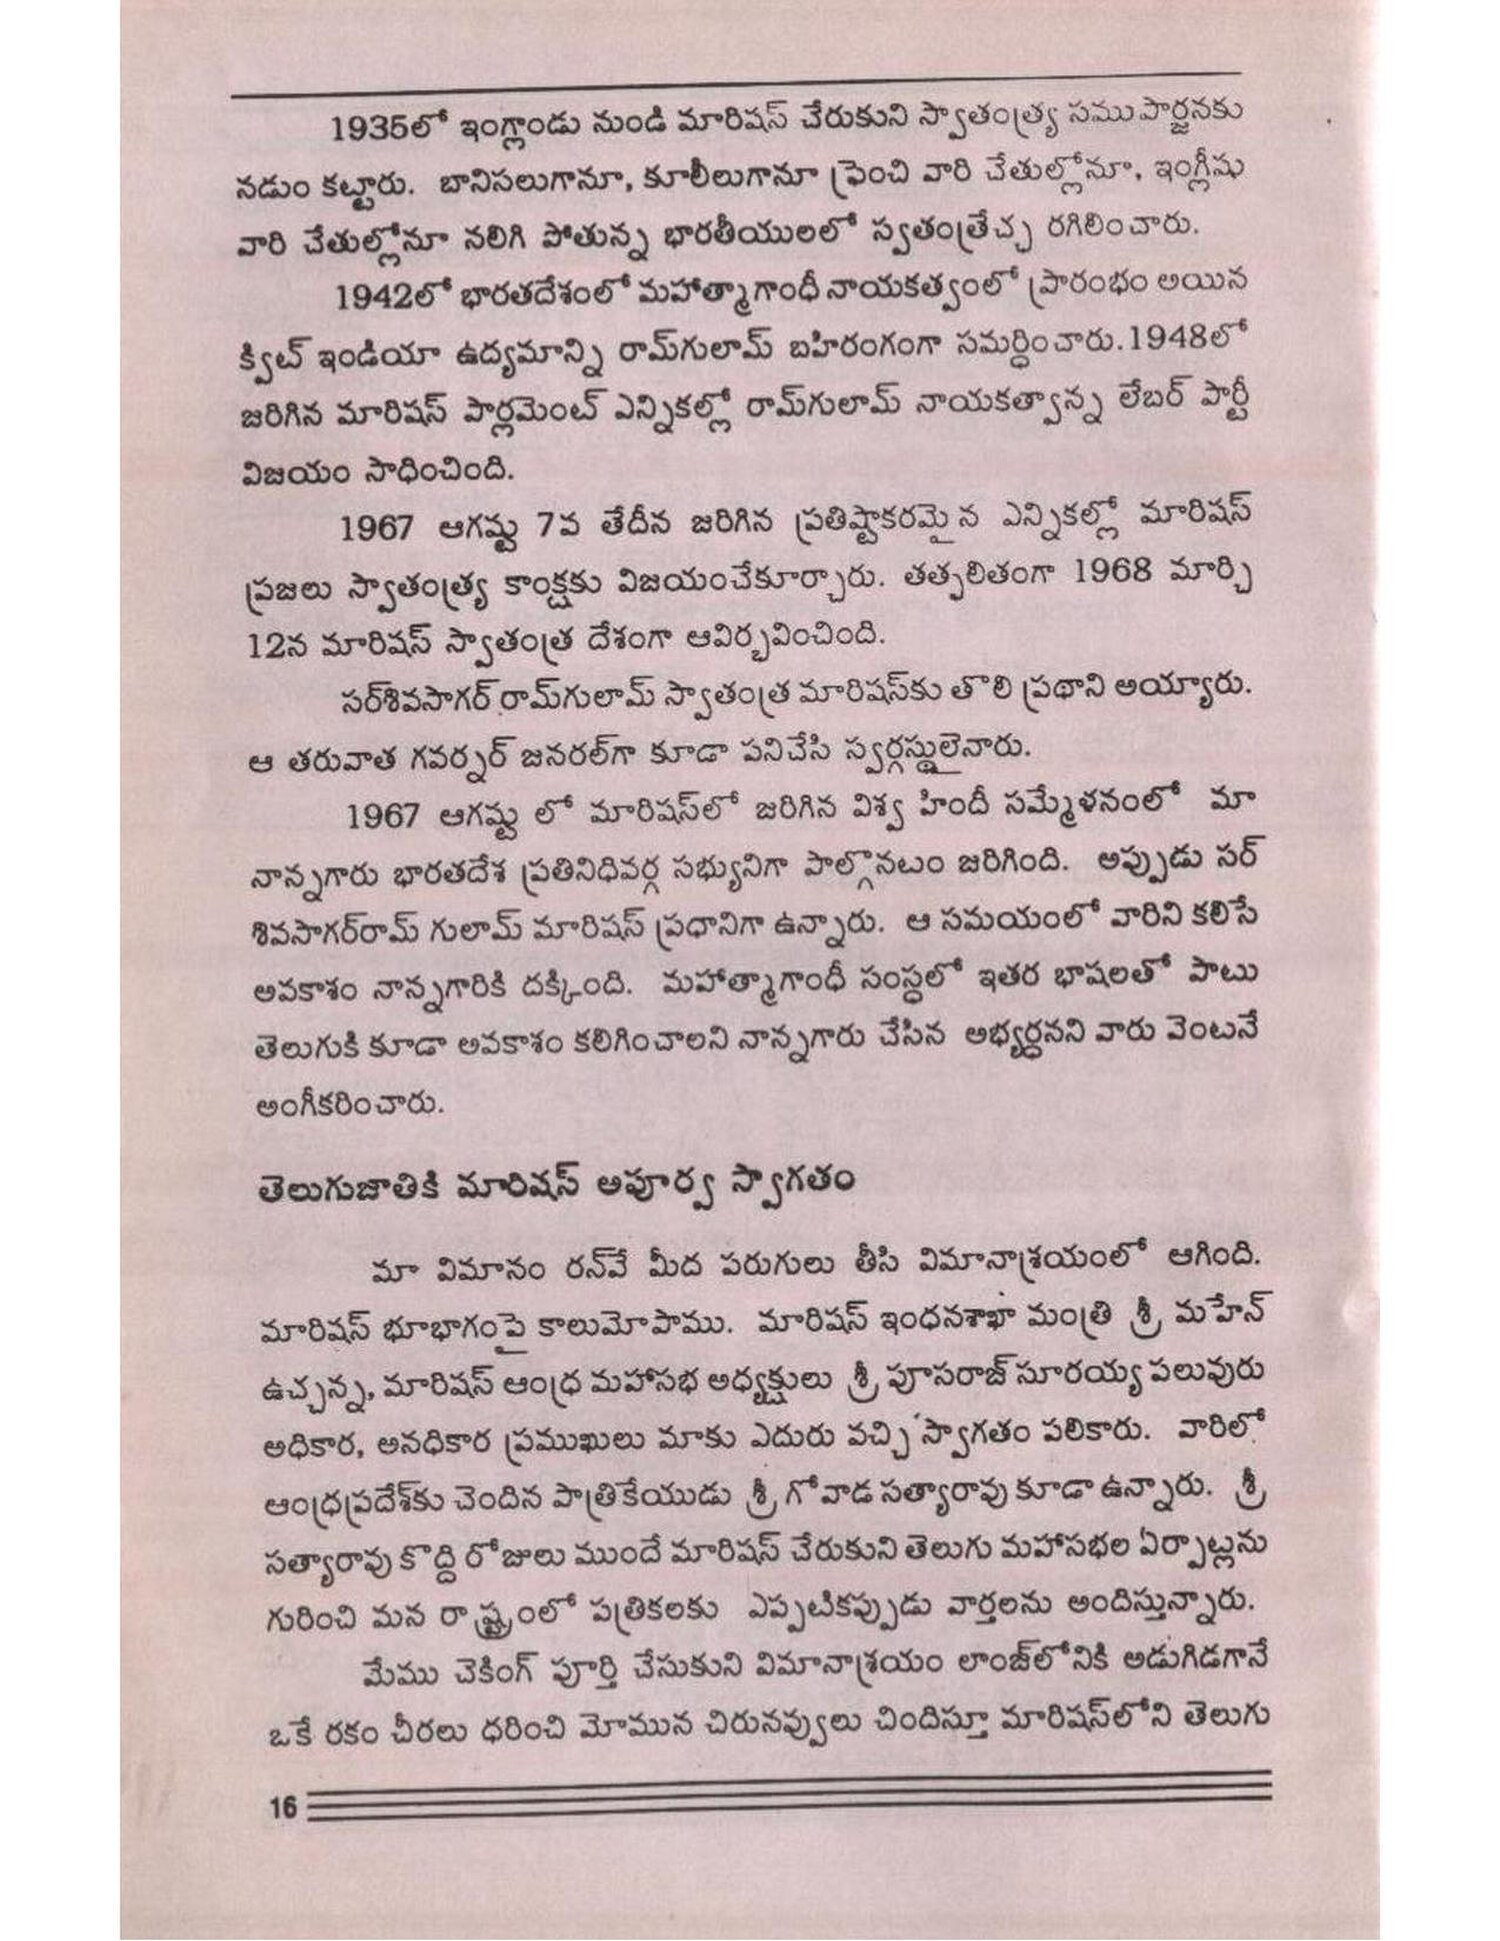1935లో ఇంగ్లాండు నుండి మారిషస్ చేరుకుని స్వాతంత్ర్య సముపార్జనకు నడుం కట్టారు. బానిసలుగానూ, కూలీలుగానూ ఫ్రెంచి వారి చేతుల్లోనూ, ఇంగ్లీషు వారి చేతుల్లోనూ నలిగి పోతున్న భారతీయులలో స్వతంత్రేచ్చ రగిలించారు.

1942లో భారతదేశంలో మహాత్మాగాంధీ నాయకత్వంలో ప్రారంభం అయిన క్విట్ ఇండియా ఉద్యమాన్ని రామ్ గులామ్ బహిరంగంగా సమర్ధించారు. 1948లో జరిగిన మారిషస్ పార్లమెంట్ ఎన్నికల్లో రామ్ గులామ్ నాయకత్వాన్న లేబర్ పార్టీ విజయం సాదించింది.

1967 ఆగష్టు 7వ తేదీన జరిగిన ప్రతిష్టాకరమైన ఎన్నికల్లో మారిషస్ ప్రజలు స్వాతంత్ర్య కాంక్షకు విజయం చేకూర్చారు. తత్ఫలితంగా 1968 మార్చి 12న మారిషస్ స్వాతంత్ర దేశంగా ఆవిర్భవించింది.

సర్ శివ సాగర్ రామ్ గులామ్ స్వాతంత్ర మారిషస్‌కు తొలి ప్రథాని అయ్యారు. ఆ తరువాత గవర్నర్ జనరల్‌గా కూడా పనిచేసి స్వర్గస్థులైనారు.

1967 ఆగష్టు లో మారిషస్ లో జరిగిన విశ్వ హిందీ సమ్మేళనంలో మా నాన్నగారు భారతదేశ ప్రతినిధివర్గ సభ్యునిగా పాల్గొనటం జరిగింది. అప్పుడు సర్ శివసాగర్ రామ్ గులామ్ మారిషస్ ప్రధానిగా ఉన్నారు. ఆ సమయంలో వారిని కలిసే అవకాశం నాన్నగారికి దక్కింది. మహాత్మాగాంధీ సంస్థలో ఇతర భాషలతో పాటు తెలుగుకి కూడా అవకాశం కలిగించాలని నాన్నగారు చేసిన అభ్యర్ధనని వారు వెంటనే అంగీకరించారు.

తెలుగుజాతికి మారిషస్ అపూర్వ స్వాగతం

మా విమానం రన్‌వే మీద పరుగులు తీసి విమానాశ్రయంలో ఆగింది. మారిషన్ భూభాగంపై కాలుమోపాము. మారిషస్ ఇంధనశాఖా మంత్రి శ్రీ మహేన్ ఉచ్చన్న, మారిషస్ ఆంధ్ర మహాసభ అధ్యక్షులు శ్రీ పూసరాజ్ సూరయ్య పలువురు అధికార, అనధికార ప్రముఖులు మాకు ఎదురు వచ్చి స్వాగతం పలికారు. వారిలో ఆంధ్రప్రదేశ్ కు చెందిన పాత్రికేయుడు శ్రీ గోవాడ సత్యారావు కూడా ఉన్నారు. శ్రీ సత్యారావు కొద్దిరోజులు ముందే మారిషస్ చేరుకుని తెలుగు మహాసభల ఏర్పాట్లను గురించి మన రాష్ట్రంలో పత్రికలకు ఎప్పటికప్పుడు వార్తలను అందిస్తున్నారు.

మేము చెకింగ్ పూర్తి చేసుకుని విమానాశ్రయం లాంజ్ లోనికి అడుగిడగానే ఒకే రకం చీరలు ధరించి మోమున చిరునవ్వులు చిందిస్తూ మారిషన్ లోని తెలుగు